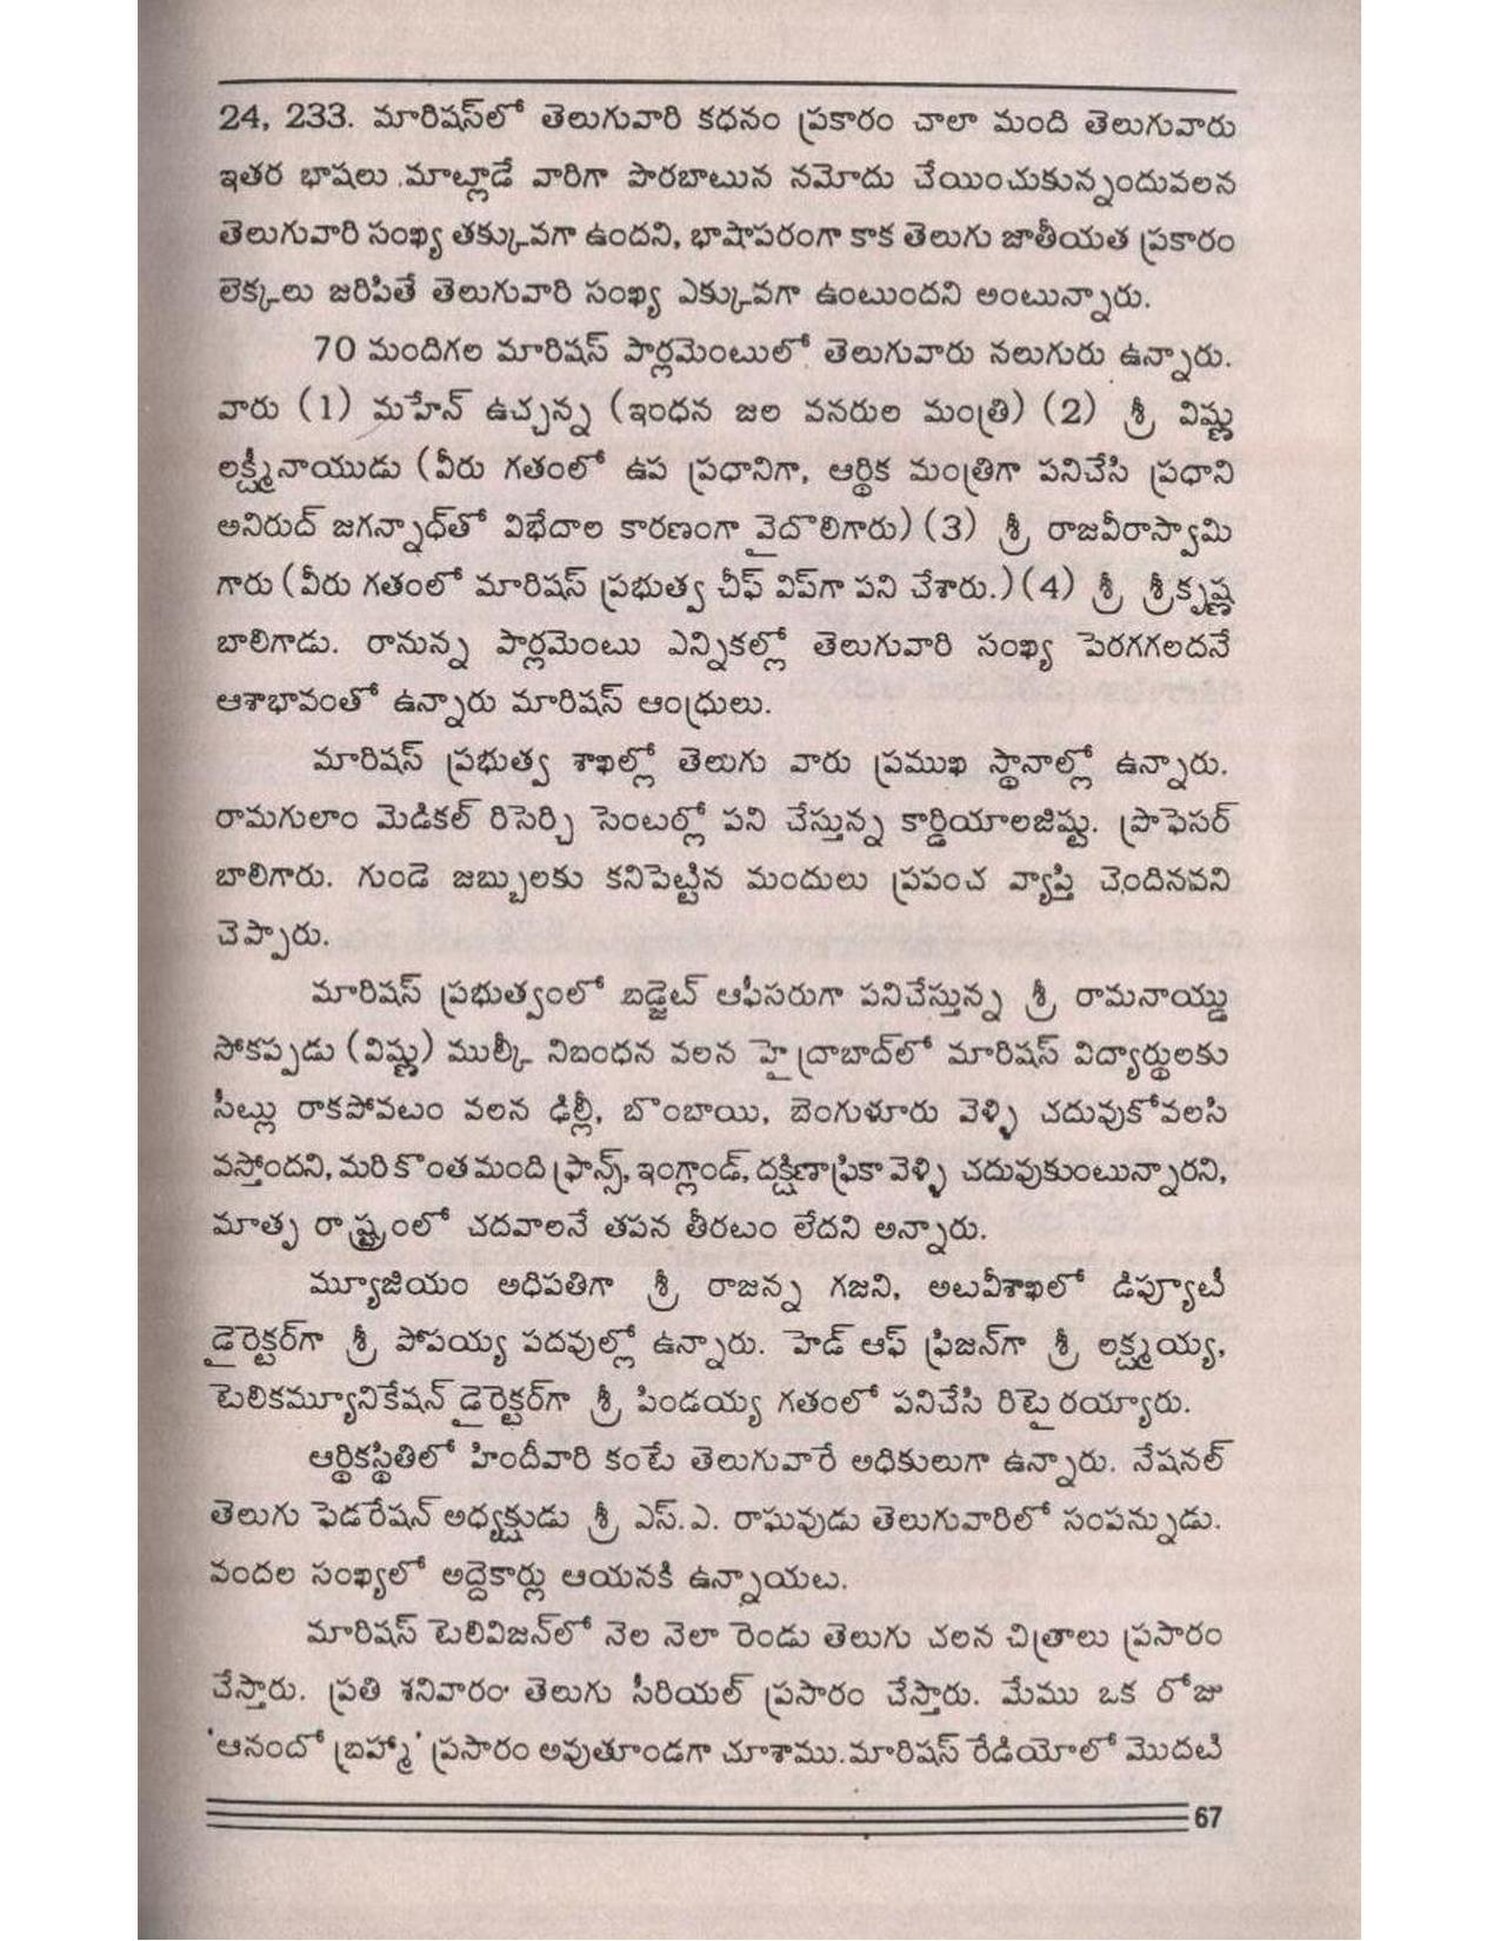24, 233. మారిషస్‌లో తెలుగువారి కధనం ప్రకారం చాలా మంది తెలుగువారు ఇతర భాషలు మాట్లాడే వారిగా పొరబాటున నమోదు చేయించుకున్నందువలన తెలుగువారి సంఖ్య తక్కువగా ఉందని, భాషాపరంగా కాక తెలుగు జాతీయతప్రకారం లెక్కలు జరిపితే తెలుగువారి సంఖ్య ఎక్కువగా ఉంటుందని అంటున్నారు.

70 మందిగల మారిషస్ పార్లమెంటులో తెలుగువారు నలుగురు ఉన్నారు. వారు (1) మహేన్ ఉచ్చన్న (ఇంధన జల వనరుల మంత్రి) (2) శ్రీ విష్ణు లక్ష్మీనాయుడు (వీరు గతంలో ఉప ప్రధానిగా, ఆర్థిక మంత్రిగా పనిచేసి ప్రధాని అనిరుద్ జగన్నాధ్‌తో విభేదాల కారణంగా వైదొలిగారు) (3) శ్రీ రాజవీరాస్వామి గారు (వీరు గతంలో మారిషస్ ప్రభుత్వ చీఫ్ విప్‌గా పని చేశారు.) (4) శ్రీ శ్రీకృష్ణ బాలిగాడు. రానున్న పార్లమెంటు ఎన్నికల్లో తెలుగువారి సంఖ్య పెరగగలదనే ఆశాభావంతో ఉన్నారు మారిషన్ ఆంధ్రులు.

మారిషస్ ప్రభుత్వ శాఖల్లో తెలుగు వారు ప్రముఖ స్థానాల్లో ఉన్నారు. రామగులాం మెడికల్ రిసెర్చి సెంటర్‌ల్లో పని చేస్తున్న కార్డియాలజిస్టు, ప్రొఫెసర్ బాలిగారు. గుండె జబ్బులకు కనిపెట్టిన మందులు ప్రపంచ వ్యాప్తి చెందినవని చెప్పారు.

మారిషస్ ప్రభుత్వంలో బడ్జెట్ ఆఫీసరుగా పనిచేస్తున్న శ్రీ రామనాయ్డు సోకప్పడు (విష్ణు) ముల్కీ నిబంధన వలన హైద్రాబాద్‌లో మారిషస్ విద్యార్థులకు సీట్లు రాకపోవటం వలన ఢిల్లీ, బొంబాయి, బెంగుళూరు వెళ్ళి చదువుకోవలసి వస్తోందని, మరికొంతమంది ఫ్రాన్స్, ఇంగ్లాండ్, దక్షిణాఫ్రికా వెళ్ళి చదువుకుంటున్నారని, మాతృ రాష్ట్రంలో చదవాలనే తపన తీరటం లేదని అన్నారు.

మ్యూజియం అధిపతిగా శ్రీ రాజన్న గజని, అటవీశాఖలో డిప్యూటీ డైరెక్టర్‌గా శ్రీ పోపయ్య పదవుల్లో ఉన్నారు. హెడ్ ఆఫ్ ఫ్రిజన్‌గా శ్రీ లక్ష్మయ్య, టెలికమ్యూనికేషన్ డైరెక్టర్‌గా శ్రీ పిండయ్య గతంలో పనిచేసి రిటైరయ్యారు.

ఆర్థికస్థితిలో హిందీవారి కంటే తెలుగువారే అధికులుగా ఉన్నారు. నేషనల్ తెలుగు ఫెడరేషన్ అధ్యక్షుడు శ్రీ ఎస్.ఎ. రాఘవుడు తెలుగువారిలో సంపన్నుడు. వందల సంఖ్యలో అద్దెకార్లు ఆయనకి ఉన్నాయట.

మారిషస్ టెలివిజన్‌లో నెల నెలా రెండు తెలుగు చలన చిత్రాలు ప్రసారం చేస్తారు. ప్రతి శనివారం తెలుగు సీరియల్ ప్రసారం చేస్తారు. మేము ఒక రోజు 'ఆనందో బ్రహ్మా' ప్రసారం అవుతూండగా చూశాము. మారిషస్ రేడియోలో మొదటి